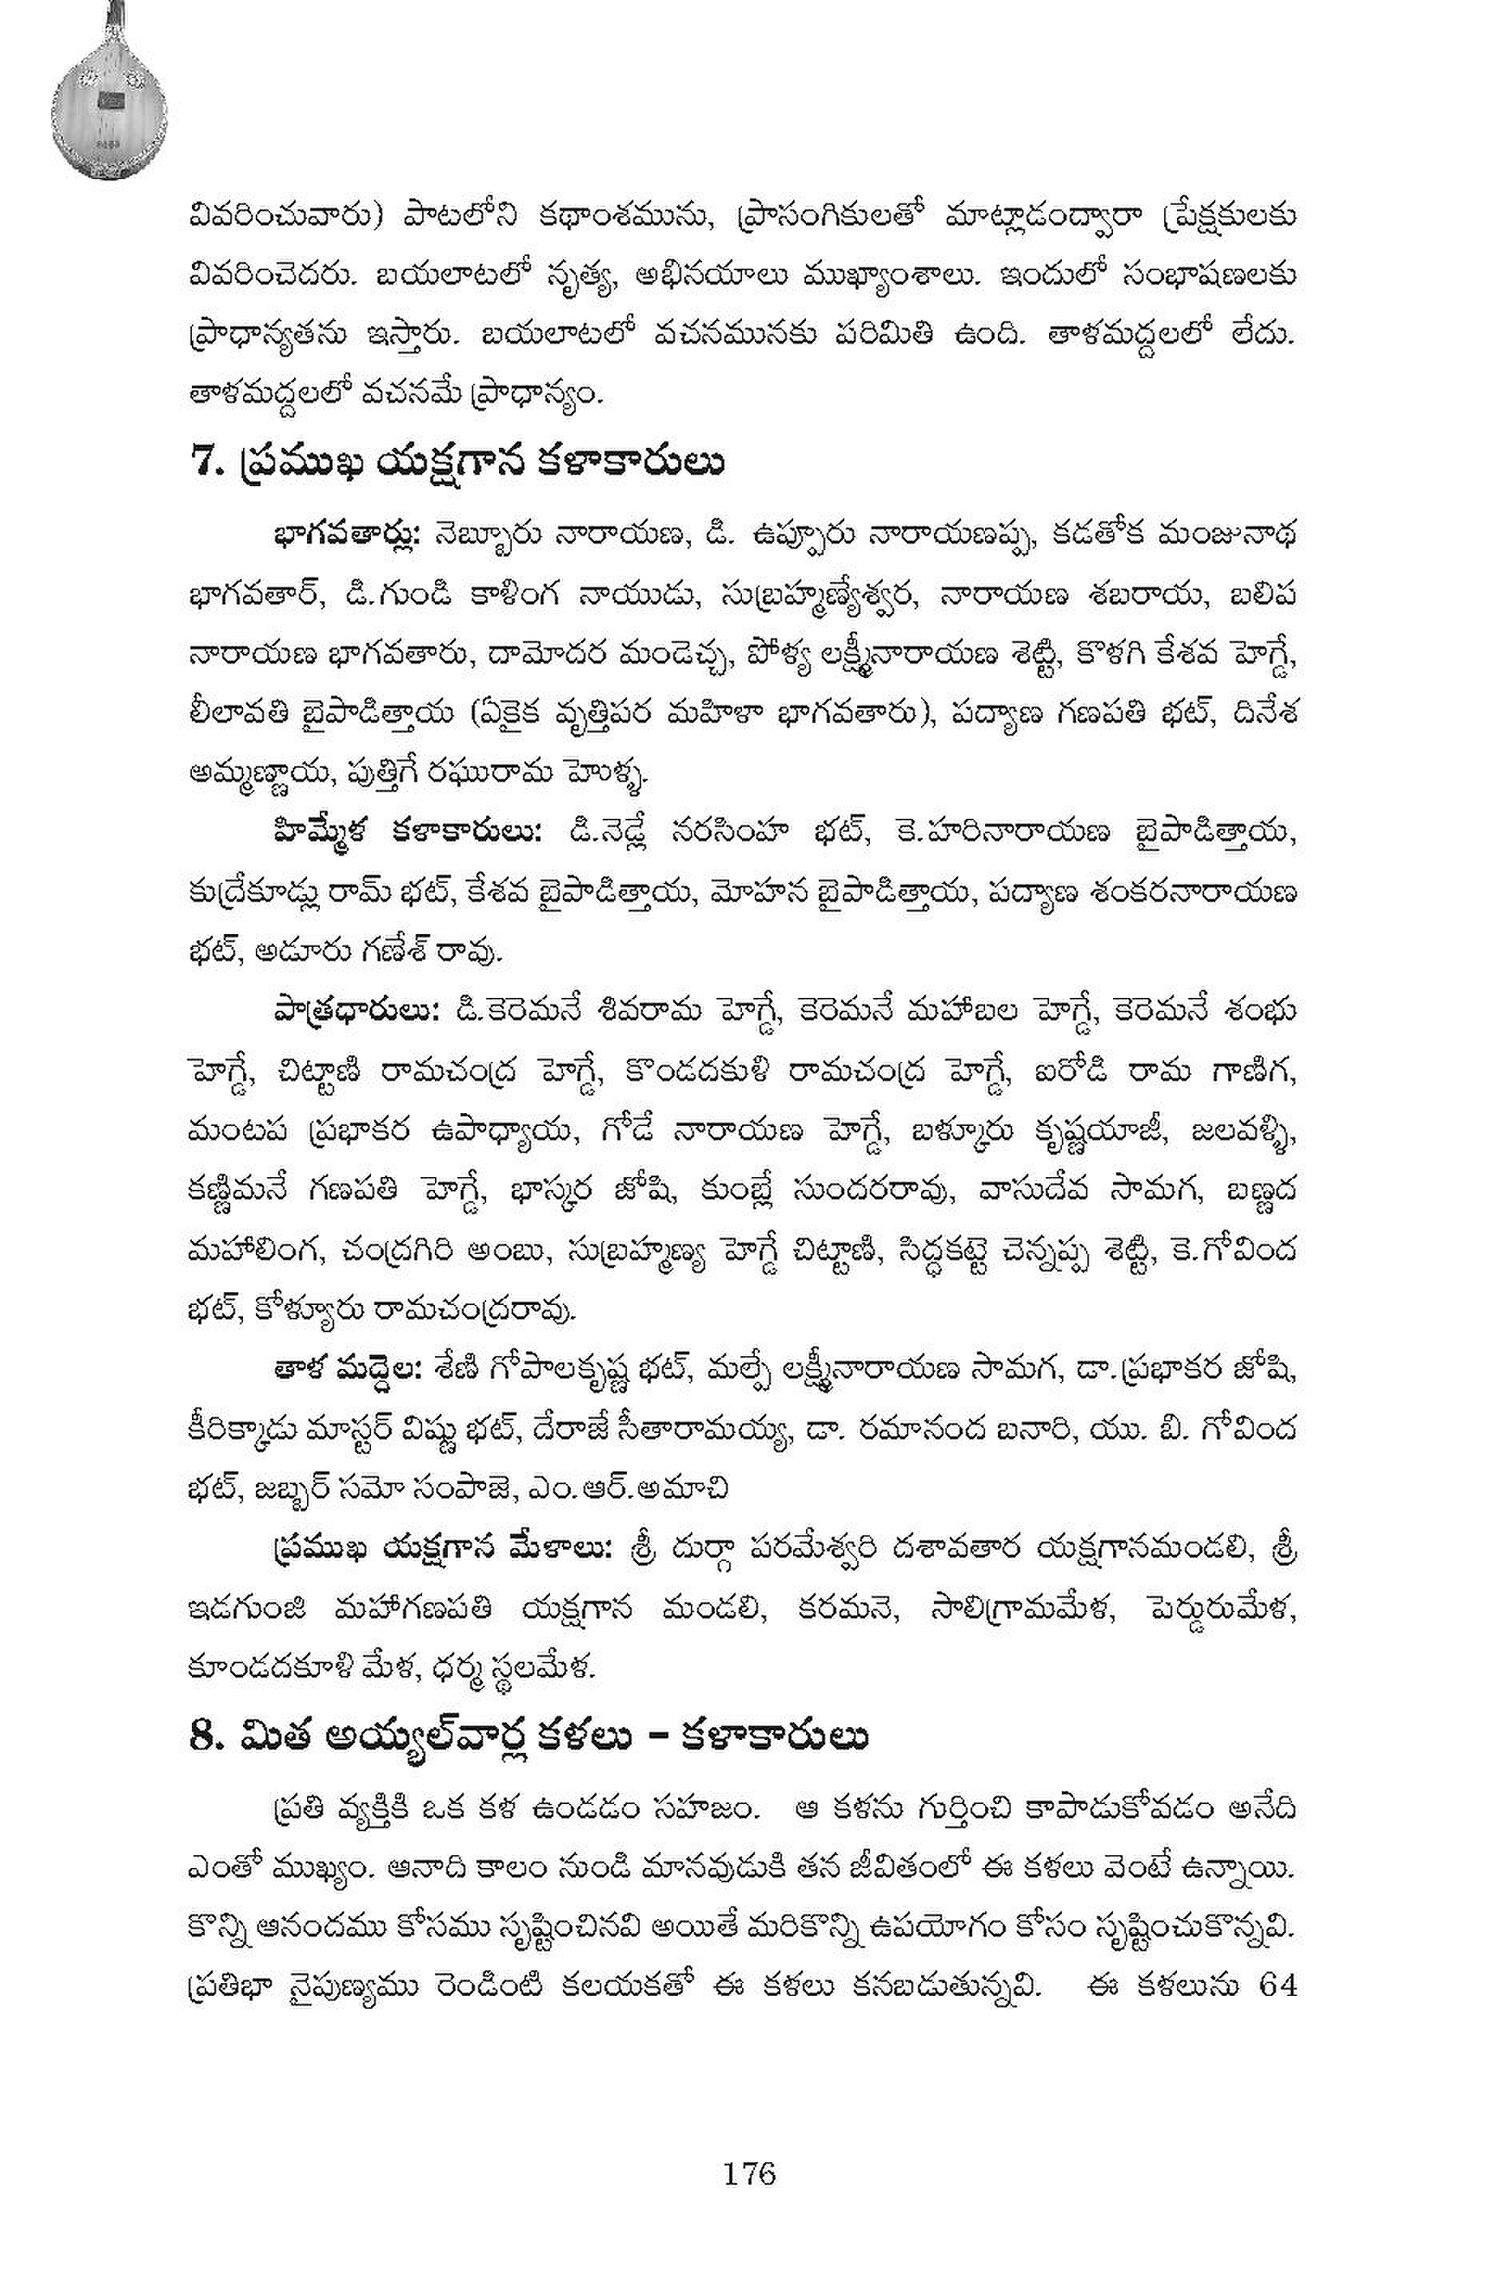వివరించువారు) పాటలోని కథాంశమును, ప్రాసంగికులతో మాట్లాడం ద్వారా ప్రేక్షకులకు వివరించెదరు. బయలాటలో నృత్య, అభినయాలు ముఖ్యాంశాలు. ఇందులో సంభాషణలకు ప్రాధాన్యతను ఇస్తారు. బయలాటలో వచనమునకు పరిమితి ఉంది. తాళమద్దలలో లేదు. తాళమద్దలలో వచనమే ప్రాధాన్యం.

7. ప్రముఖ యక్షగాన కళాకారులు 

భాగవతార్లు: నెబ్బూరు నారాయణ, డి. ఉప్పూరు నారాయణప్ప, కడతోక మంజునాథ భాగవతార్, డి. గుండి కాళింగ నాయుడు, సుబ్రహ్మణ్యేశ్వర, నారాయణ శబరాయ, బలిప నారాయణ భాగవతారు, దామోదర మండెచ్చ, పోళ్య లక్ష్మీనారాయణ శెట్టి, కొళగి కేశవ హెగ్దే, లీలావతి బైపాడిత్తాయ (ఏకైక వృత్తిపర మహిళా భాగవతారు), పద్యాణ గణపతి భట్, దినేశ అమ్మణ్ణాయ, పుత్తిగే రఘురామ హెుళ్ళ.

హిమ్మేళ కళాకారులు: డి. నెడ్లే నరసింహ భట్, కె. హరినారాయణ బైపాడిత్తాయ, కుద్రేకూడ్లు రామ్ భట్, కేశవ బైపాడిత్తాయ, మోహన బైపాడిత్తాయ, పద్యాణ శంకరనారాయణ భట్, అడూరు గణేశ్ రావు.

పాత్రధారులు: డి.కెరెమనే శివరామ హెగ్దే, కెరెమనే మహాబల హెగ్దే, కెరెమనే శంభు హెగ్దే, చిట్టాణి రామచంద్ర హెగ్దే, కొండదకుళి రామచంద్ర హెగ్దే, ఐరోడి రామ గాణిగ, మంటప ప్రభాకర ఉపాధ్యాయ, గోడే నారాయణ హెగ్దే, బళూరు కృష్ణయాజీ, జలవళ్ళి, కణ్ణిమనే గణపతి హెగ్దే, భాస్కర జోషి, కుంబ్లే సుందరరావు, వాసుదేవ సామగ, బణ్ణద మహాలింగ, చంద్రగిరి అంబు, సుబ్రహ్మణ్య హెగ్దే చిట్టాణి, సిద్ధకట్టె చెన్నప్ప శెట్టి, కె. గోవింద భట్, కోళ్యూరు రామచంద్రరావు.

తాళ మద్దెల: శేణి గోపాలకృష్ణ భట్, మల్పే లక్ష్మీనారాయణ సామగ, డా.ప్రభాకర జోషి, కీరిక్కాడు మాస్టర్ విష్ణు భట్, దేరాజే సీతారామయ్య, డా. రమానంద బనారి, యు. బి. గోవింద భట్, జబ్బర్ సమో సంపాజె, ఎం.ఆర్.అమాచి

ప్రముఖ యక్షగాన మేళాలు: శ్రీ దుర్గా పరమేశ్వరి దశావతార యక్షగానమండలి, శ్రీ ఇడగుంజి మహాగణపతి యక్షగాన మండలి, కరమనె, సాలిగ్రామమేళ, పెర్డురుమేళ, కూండదకూళి మేళ, ధర్మ స్థలమేళ.

8. మిత అయ్యల్వార్ల కళలు - కళాకారులు 

ప్రతి వ్యక్తికి ఒక కళ ఉండడం సహజం. ఆ కళను గుర్తించి కాపాడుకోవడం అనేది ఎంతో ముఖ్యం. అనాది కాలం నుండి మానవుడుకి తన జీవితంలో ఈ కళలు వెంటే ఉన్నాయి. కొన్ని ఆనందము కోసము సృష్టించినవి అయితే మరికొన్ని ఉపయోగం కోసం సృష్టించుకొన్నవి. ప్రతిభా నైపుణ్యము రెండింటి కలయకతో ఈ కళలు కనబడుతున్నవి. ఈ కళలును 64